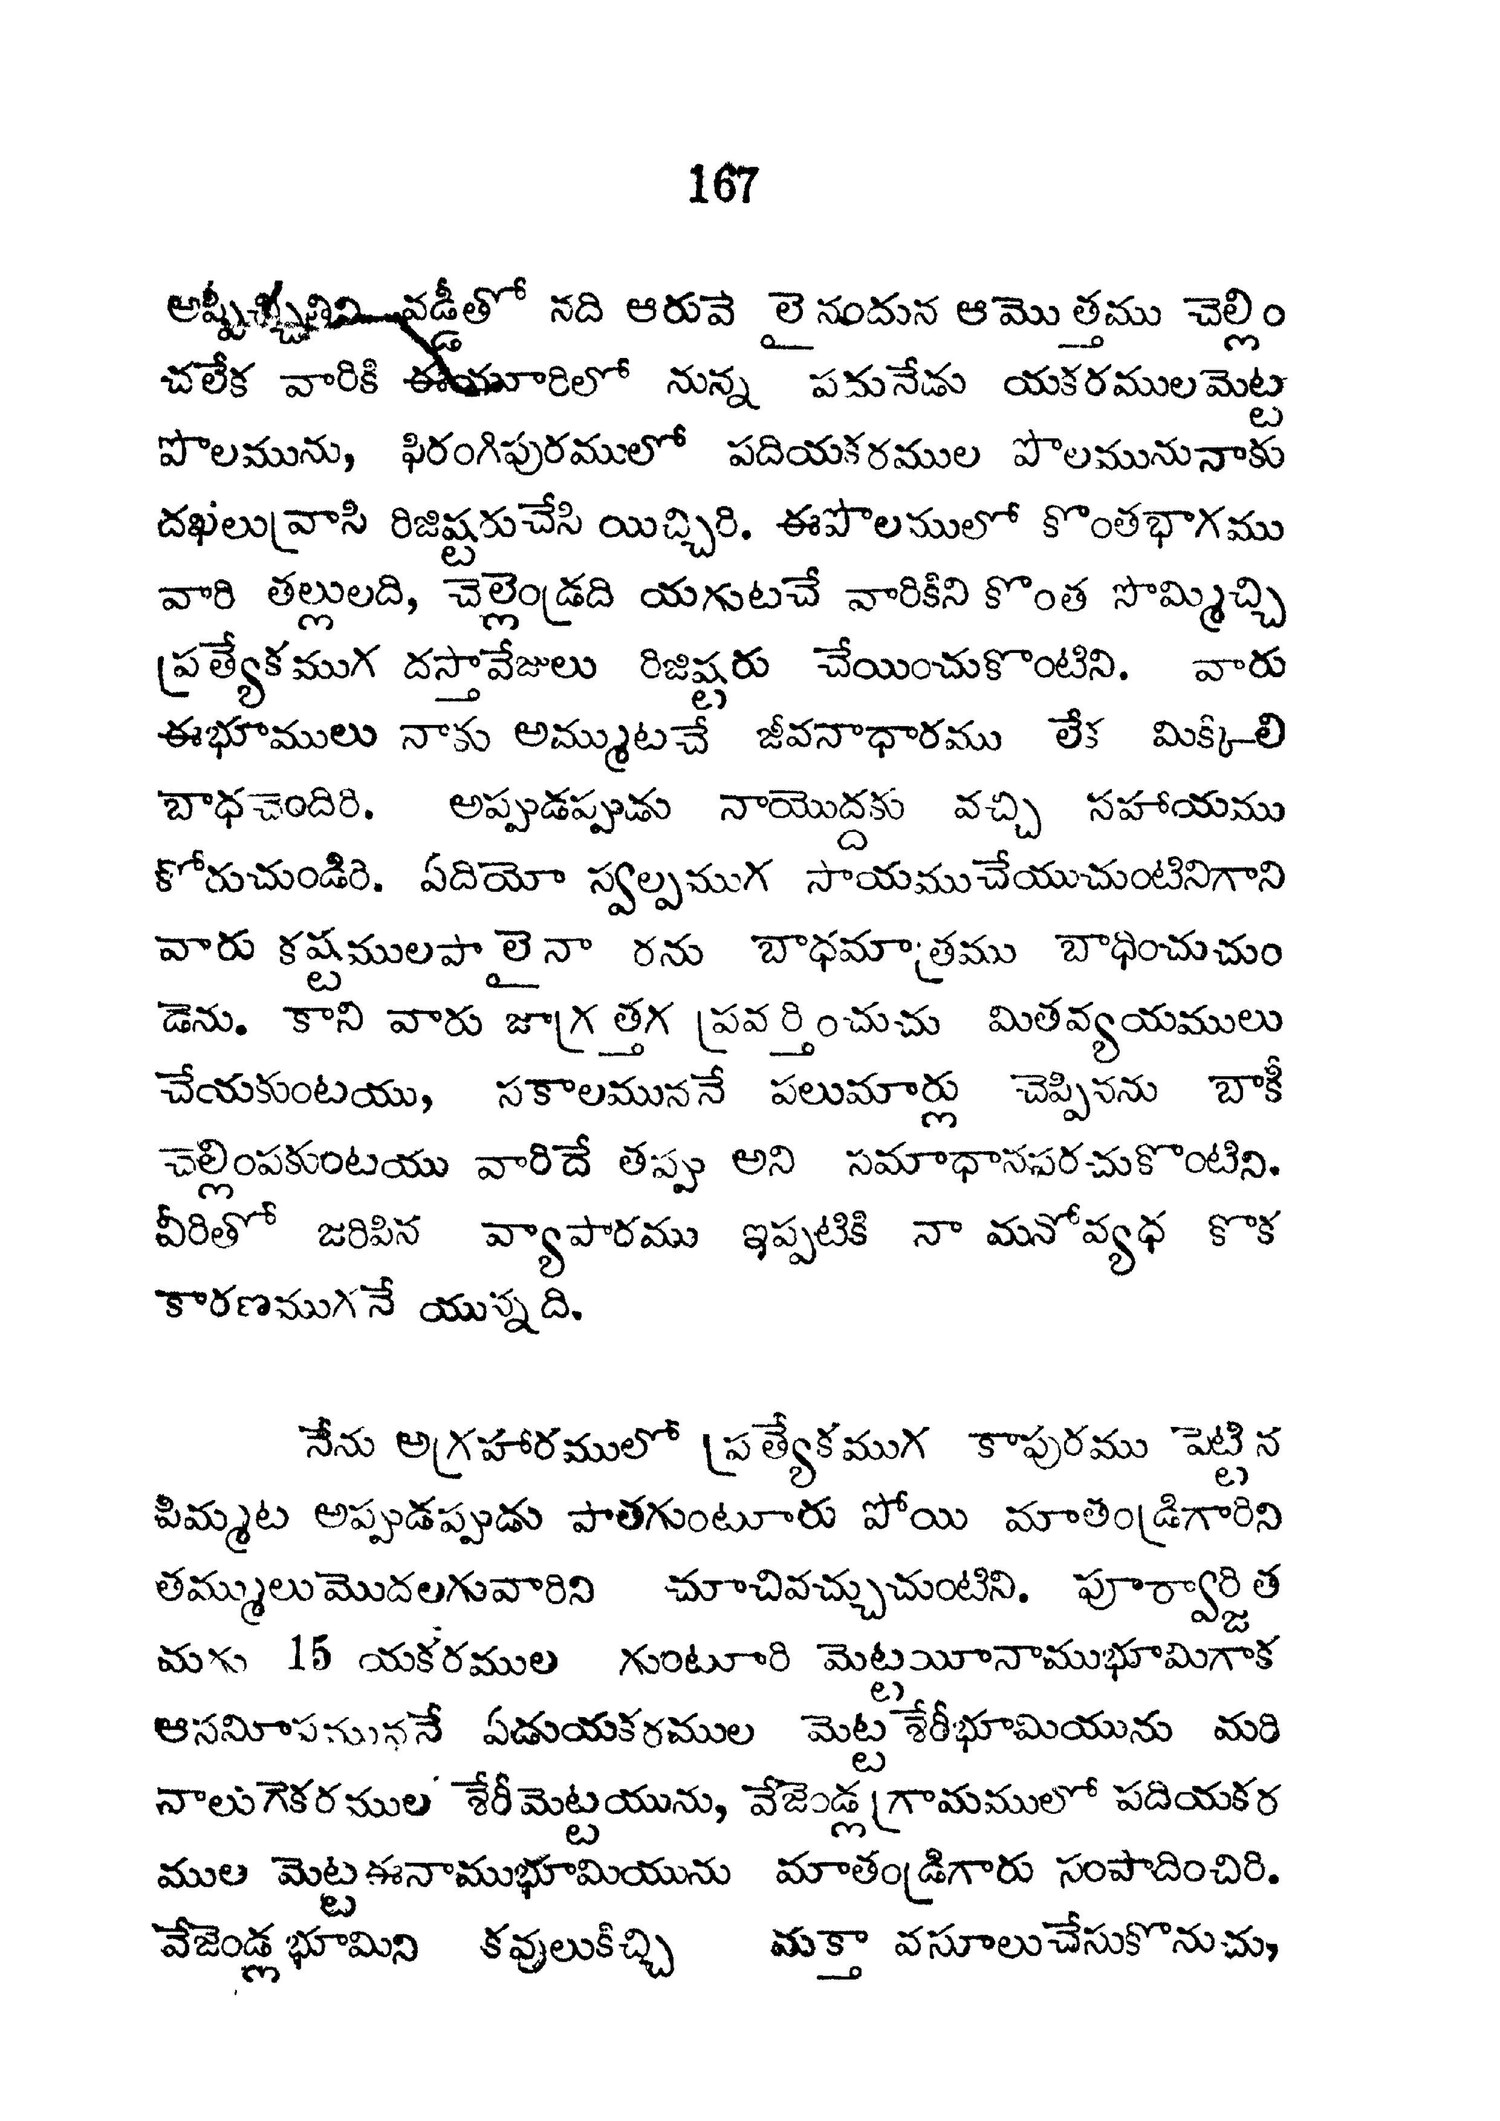అప్పిచ్చితిని. వడ్డీతో నది ఆరువే లైనందున ఆమొత్తము చెల్లించలేక వారికి ఈయూరిలో నున్న పదునేడు యకరములమెట్ట పొలమును, ఫిరంగిపురములో పదియకరముల పొలమునునాకు దఖలువ్రాసి రిజిష్టరుచేసి యిచ్చిరి. ఈపొలములో కొంతభాగము వారి తల్లులది, చెల్లెండ్రది యగుటచే వారికిని కొంత సొమ్మిచ్చి ప్రత్యేకముగ దస్తావేజులు రిజిష్టరు చేయించుకొంటిని. వారు ఈభూములు నాకు అమ్ముటచే జీవనాధారము లేక మిక్కిలి బాధచెందిరి. అప్పుడప్పుడు నాయొద్దకు వచ్చి సహాయము కోరుచుండిరి. ఏదియో స్వల్పముగ సాయముచేయుచుంటినిగాని వారు కష్టములపాలైనా రను బాధమాత్రము బాధించుచుండెను. కాని వారు జాగ్రత్తగ ప్రవర్తించుచు మితవ్యయములు చేయకుంటయు, సకాలముననే పలుమార్లు చెప్పినను బాకీ చెల్లింపకుంటయు వారిదే తప్పు అని సమాధానపరచుకొంటిని. వీరితో జరిపిన వ్యాపారము ఇప్పటికి నా మనోవ్యధ కొక కారణముగనే యున్నది.

నేను అగ్రహారములో ప్రత్యేకముగ కాపురము పెట్టిన పిమ్మట అప్పుడప్పుడు పాతగుంటూరు పోయి మాతండ్రిగారిని తమ్ములుమొదలగువారిని చూచివచ్చుచుంటిని. పూర్వార్జితమగు 15 యకరముల గుంటూరి మెట్టయీనాముభూమిగాక ఆసమీపముననే ఏడుయకరముల మెట్టశేరీభూమియును మరి నాలుగెకరముల శేరీమెట్టయును, వేజెండ్లగ్రామములో పదియకరముల మెట్టఈనాముభూమియును మాతండ్రిగారు సంపాదించిరి. వేజెండ్లభూమిని కవులుకిచ్చి మక్తా వసూలుచేసుకొనుచు,